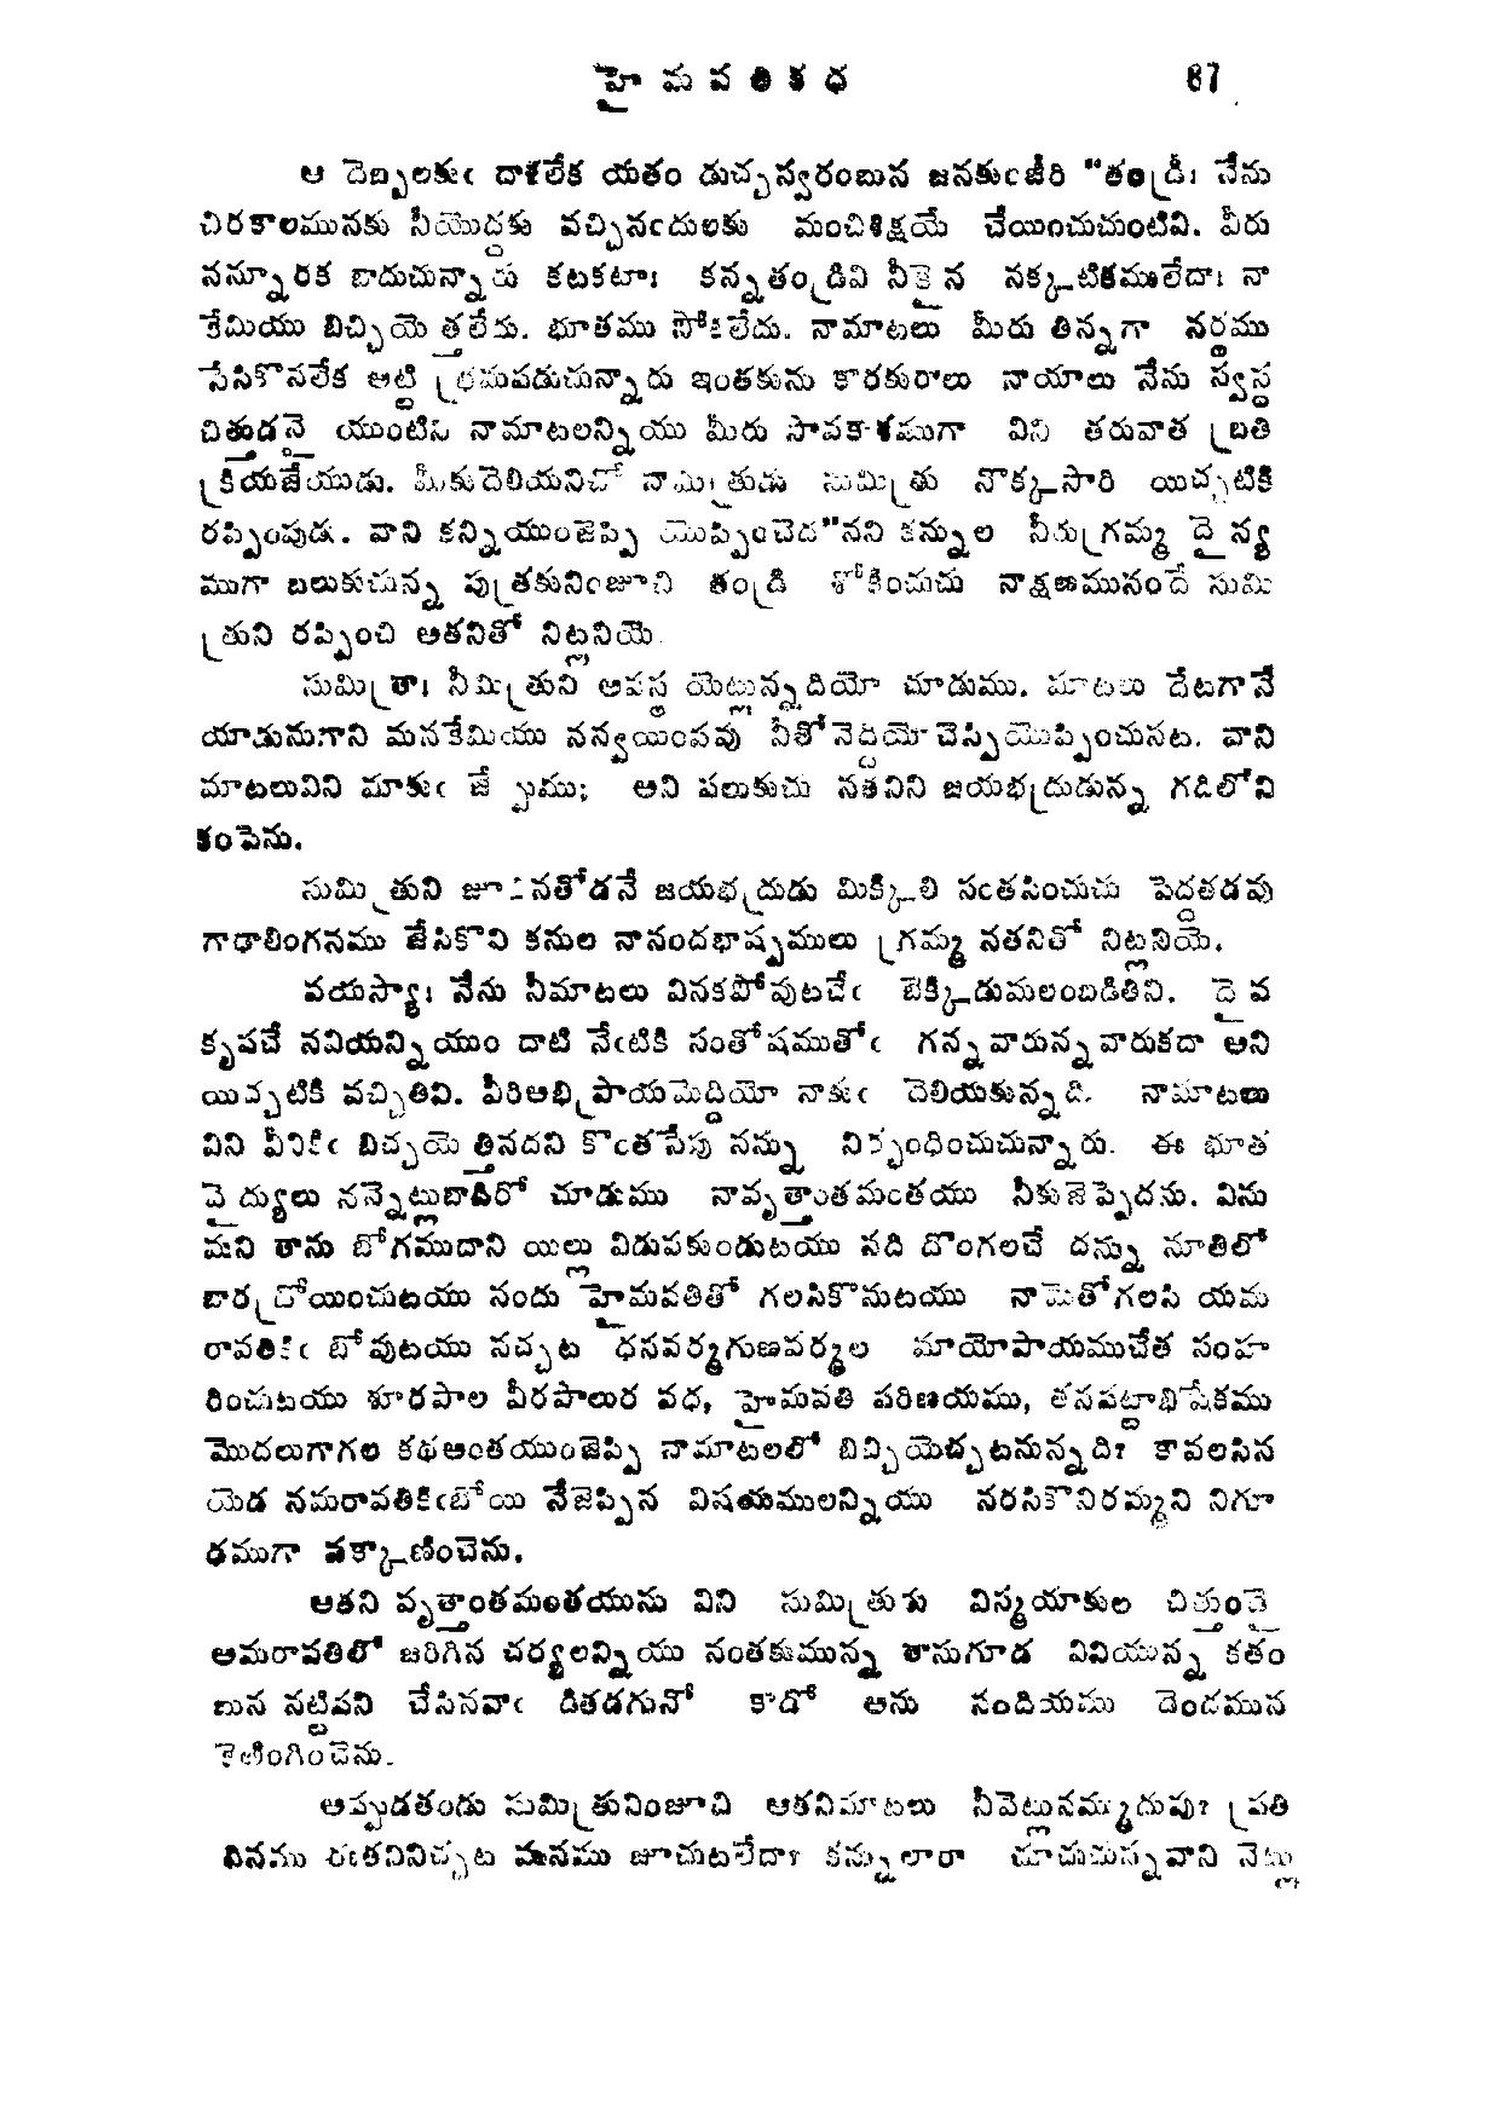ఆ దెబ్బలకుఁ దాళలేక యతం డుచ్ఛస్వరంబున జనకుంజీరి "తండ్రీ! నేను చిరకాలమునకు నీయొద్దకు వచ్చినందులకు మంచిశిక్షయే చేయించుచుంటివి. వీరు నన్నూరక బాదుచున్నారు కటకటా! కన్నతండ్రివి నీకైన నక్కటికములేదా! నా కేమియు బిచ్చియెత్తలేదు. భూతము సోకలేదు. నామాటలు మీరు తిన్నగా నర్థము సేసికొనలేక అట్టి భ్రమపడుచున్నారు ఇంతకును కారకురాలు నాయాలు నేను స్వస్థ చిత్తుడనై యుంటిని నామాటలన్నియు మీరు సావకాశముగా విని తరువాత బ్రతిక్రియజేయుడు. మీకు దెలియనిచో నామిత్రుడు సుమిత్రు నొక్కసారి యిచ్చటికి రప్పింపుడు . వాని కన్నియుంజెప్పి యొప్పించెద"నని కన్నుల నీనుగ్రమ్మ దైన్యముగా బలుకుచున్న పుత్రకునిఁ జూచి తండ్రి శోకించుచు నాక్షణమునందే సుమిత్రుని రప్పించి అతనితో నిట్లనియె.

సుమిత్రా! నీమిత్రుని అవస్థ యెట్లున్నదియో చూడుము. మాటలు దేటగానే యాడునుగాని మనకేమియు నన్వయింపవు నీతో నెద్దియేచెప్పియొప్పించునట. వాని మాటలువిని మాకుఁ జెప్పుము; అని పలుకుచు నతనిని జయభద్రుడున్న గదిలోని కంపెను.

సుమిత్రుని జూచినతోడనే జయభద్రుడు మిక్కిలి సంతసించుచు పెద్దతడవు గాఢాలింగనము జేసికొని కనుల నానందభాష్పములు గ్రమ్మ నతనితో నిట్లనియె.

వయస్యా! నేను నీమాటలు వినకపోవుటచేఁ బెక్కిడుమలంబడితిని. దైవకృపచే నవియన్నియుం దాటి నేఁటికి సంతోషముతోఁ గన్నవారున్నవారుకదా అని యిచ్చటికి వచ్చితిని. వీరిఅభిప్రాయ మెద్దియో నాకుఁ దెలియకున్నది. నామాటలు విని వీనికిఁ బిచ్చియెత్తినదని కొంతసేపు నన్ను నిర్భంధించుచున్నారు. ఈ భూతవైద్యులు నన్నెట్లు బాదిరో చూడుము నావృత్తాంతమంతయు నీకుజెప్పెదను. విను మని తాను బోగముదాని యిల్లు విడువకుండుటయు నది దొంగలచే దన్ను నూతిలో బారద్రోయించుటయు నందు హైమవతితో గలసికొనుటయు నామెతోగలసి యమరావతికిఁ బోవుటయు నచ్చట ధనవర్మగుణవర్మల మాయోపాయముచేత సంహరించుటయు శూరపాల వీరపాలుర వధ, హైమవతి పరిణయము, తసపట్టాభిషేకము మొదలుగాగల కథఅంతయుంజెప్పి నామాటలలో బిచ్చి యెచ్చటనున్నది? కావలసిన యెడ నమరావతికిఁబోయి నేజెప్పిన విషయములన్నియు నరసికొనిరమ్మని నిగూఢముగా వక్కాణించెను.

అతని వృత్తాంతమంతయును విని సుమిత్రుడు విస్మయాకులచిత్తుండై అమరావతిలో జరిగిన చర్యలన్నియు నంతకుమున్న తానుగూడ వినియున్న కతంబున నట్టిపని చేసినవాఁ డితడగునో కాడో అను సందియము డెందమున కెఱింగించెను.

అప్పుడతండు సుమిత్రునింజూచి ఆతనిమాటలు నీ వెట్లు నమ్ముదువు? ప్రతిదినము ఈతని నిచ్చట మనము జూచుటలేదా ? కన్నులారా చూచుచున్నవాని నెట్లు